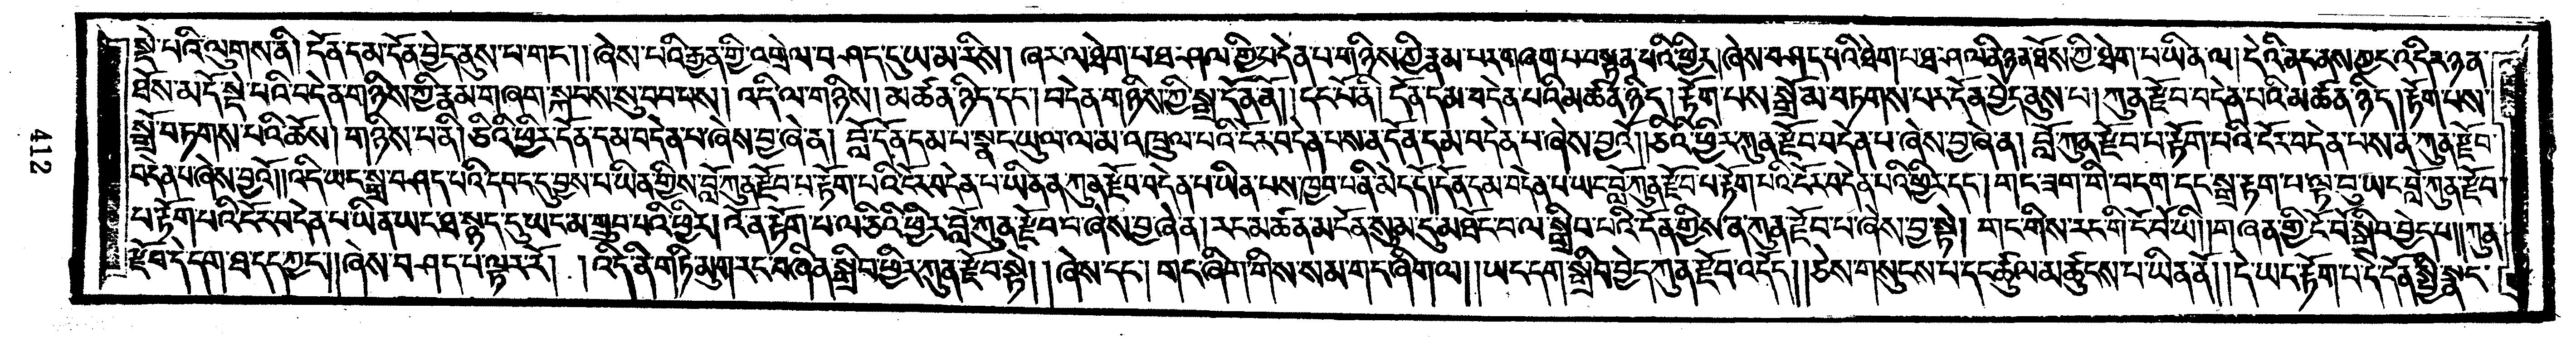སྡེ་པའི་ལུགས་ནི། དོན་དམ་དོན་བྱེད་ནུས་པ་གང་། །ཞེས་པའི་རྒྱན་གྱི་འགྲེལ་བཤད་དུ་ཡ་མ་རིས། ཞར་ལ་ཐེག་པ་ཐ་ཤལ་གྱི་བདེན་པ་གཉིས་ཀྱི་རྣམ་པར་གཞག་པ་བསྟན་པའི་ཕྱིར། ཞེས་བཤད་པའི་ཐེག་པ་ཐ་ཤལ་ནི་ཉན་ཐོས་ཀྱི་ཐེག་པ་ཡིན་ལ། དེའི་ནང་ནས་ཀྱང་འདིར་ཉན་
ཐོས་མདོ་སྡེ་པའི་བདེན་གཉིས་ཀྱི་རྣམ་གཞག་སྐབས་སུ་བབ་པས། འདི་ལ་གཉིས། མཚན་ཉིད་དང་། བདེན་གཉིས་ཀྱི་སྒྲ་དོན་ནོ། །དང་པོ་ནི། དོན་དམ་བདེན་པའི་མཚན་ཉིད། རྟོག་པས་སྒྲོ་མ་བཏགས་པར་དོན་བྱེད་ནུས་པ། ཀུན་རྫོབ་བདེན་པའི་མཚན་ཉིད། རྟོག་པས་
སྒྲོ་བཏགས་པའི་ཆོས། གཉིས་པ་ནི། ཅིའི་ཕྱིར་དོན་དམ་བདེན་པ་ཞེས་བྱ་ཞེ་ན། བློ་དོན་དམ་པ་སྣང་ཡུལ་ལ་མ་འཁྲུལ་བའི་ངོར་བདེན་པས་ན་དོན་དམ་བདེན་པ་ཞེས་བྱའོ། །ཅིའི་ཕྱིར་ཀུན་རྫོབ་བདེན་པ་ཞེས་བྱ་ཞེ་ན། བློ་ཀུན་རྫོབ་པ་རྟོག་པའི་ངོར་བདེན་པས་ན་ཀུན་རྫོབ་
བདེན་པ་ཞེས་བྱའོ། །འདི་ཡང་སྒྲ་བཤད་པའི་དབང་དུ་བྱས་པ་ཡིན་གྱིས་བློ་ཀུན་རྫོབ་པ་རྟོག་པའི་ངོར་བདེན་པ་ཡིན་ན་ཀུན་རྫོབ་བདེན་པ་ཡིན་པས་ཁྱབ་པ་ནི་མེད་དེ། དོན་དམ་བདེན་པ་ཡང་བློ་ཀུན་རྫོབ་པ་རྟོག་པའི་ངོར་བདེན་པའི་ཕྱིར་དང་། གང་ཟག་གི་བདག་དང་སྒྲ་རྟག་པ་ལྟ་བུ་ཡང་བློ་ཀུན་རྫོབ་
པ་རྟོག་པའི་ངོར་བདེན་པ་ཡིན་ཡང་ཐ་སྙད་དུ་ཡང་མ་གྲུབ་པའི་ཕྱིར། འོ་ན་རྟོག་པ་ལ་ཅིའི་ཕྱིར་བློ་ཀུན་རྫོབ་པ་ཞེས་བྱ་ཞེ་ན། རང་མཚན་མངོན་སུམ་དུ་མཐོང་བ་ལ་སྒྲིབ་པའི་དོན་གྱིས་ན་ཀུན་རྫོབ་པ་ཞེས་བྱ་སྟེ། གང་གིས་རང་གི་ངོ་བོ་ཡི། །གཞན་གྱི་ངོ་བོ་སྒྲིབ་བྱེད་པ། །ཀུན་
རྫོབ་དེ་དག་ཐ་དད་ཀྱང་། །ཞེས་བཤད་པ་ལྟར་རོ། །འདི་ནི་གཏི་མུག་རང་བཞིན་སྒྲིབ་ཕྱིར་ཀུན་རྫོབ་སྟེ། །ཞེས་དང་། གང་ཞིག་གིས་སམ་གང་ཞིག་ལ། །ཡང་དག་སྒྲིབ་བྱེད་ཀུན་རྫོབ་འདོད། །ཅེས་གསུངས་པ་དང་ཚུལ་མཚུངས་པ་ཡིན་ནོ། །དེ་ཡང་རྟོག་པ་དེ་དོན་སྤྱི་སྣང་